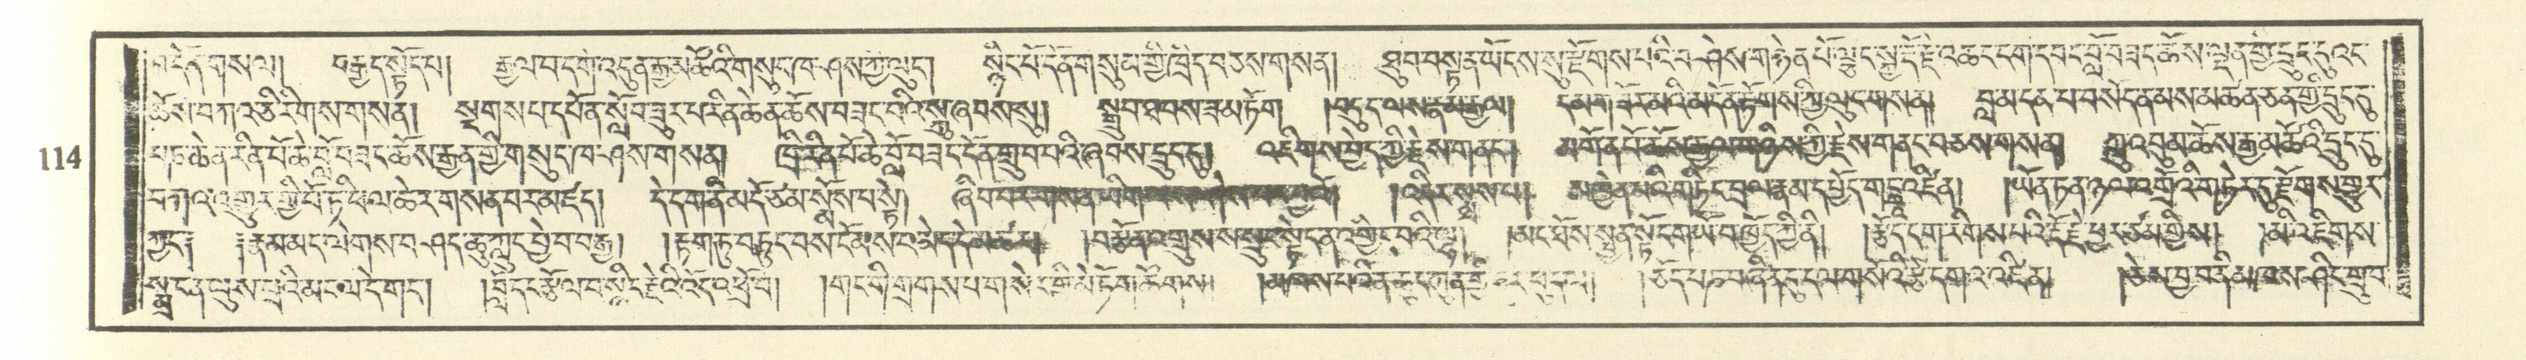བ་དོན་གསལ། བརྒྱད་སྟོང་པ། རྒྱལ་བ་དགེ་འདུན་རྒྱ་མཚོའི་གསུང་ཁ་ཤས་ཀྱི་ལུང་། སྙིང་པོ་དོན་གསུམ་གྱི་ཁྲིད་བཅས་གསན། ཐུབ་བསྟན་ཡོངས་སུ་རྫོགས་པའི་བཤེས་གཉེན་པོ་ལྕང་སྐྱ་རྡོ་རྗེ་འཆང་ངག་དབང་བློ་བཟང་ཆོས་ལྡན་གྱི་དྲུང་དུའང་
ཆོས་བཀའ་ཅི་རིགས་གསན། སྔགས་པ་དཔོན་སློབ་ཟུར་པ་རིན་ཆེན་ཆོས་བཟང་བའི་སྐུ་ཞབས་སུ། སྒྲུབ་ཐབས་ཟ་མ་ཏོག །བདུད་ལས་རྣམ་རྒྱལ། དམག་ཟོར་མའི་མདོན་རྟོགས་ཀྱི་ལུང་གསན། བླ་མ་དམ་པ་བསོད་ནམས་མཚན་ཅན་གྱི་དྲུང་དུ་
པཎ་ཆེན་རིན་པོ་ཆེ་བློ་བཟང་ཆོས་རྒྱན་གྱི་གསུང་ཁ་ཤས་གསན། ཁྲི་རིན་པོ་ཆེ་བློ་བཟང་དོན་གྲུབ་པའི་ཞབས་དྲུང་དུ། འཇིགས་བྱེད་ཀྱི་རྗེས་གནང་། མགོན་པོ་ཆོས་རྒྱལ་གཉིས་ཀྱི་རྗེས་གནང་བཅས་གསན། ཀླུ་འབུམ་ཆོས་རྒྱ་མཚོའི་དྲུང་དུ་
བཀའ་འགྱུར་གྱི་པོ་ཏི་ཕལ་ཆེར་གསན་པར་མཛད། དེ་དག་ནི་མདོ་ཙམ་སྨོས་པ་སྟེ། ཞིབ་པར་གསན་ཡིག་ལས་ཤེས་པར་བྱའོ། །འདིར་སྨྲས་པ། མཁྱེན་པའི་གཏིང་བྲལ་རྣམ་དཔྱོད་གངྒཱ་འཛིན། །ཡོན་ཏན་ཉལ་འགྲོའི་གཏེར་དུ་རྫོགས་གྱུར་
ཀྱང༑ ༑རྣམ་མད་ལེགས་བཤད་ཆུ་ཀླུང་བྱེ་བ་བརྒྱ། །རྟག་ཏུ་བཏུང་བས་ངོམས་པ་མེད་དེ་མཚར། །བརྩོན་འགྲུས་ས་སྲུང་སྟེང་ན་འགྱིང་བའི་ལྷ། །མང་ཐོས་སྦྱན་སྟོང་གཡོ་བ་ཁྱོད་ཀྱི་ནི། །རྩོད་དག་རིགས་པའི་རྡོ་རྗེ་ཕྱར་ཙམ་གྱིས། །མི་འཇིགས་
སྨྲར་ན་ལུས་ཕྲའི་མངལ་དེ་གང་། །བློ་དང་རྩོལ་བ་སྙིང་རྗེའི་འོད་འཕྲོ་བ། །གང་གི་གྲགས་པ་གསེར་གྱི་མེ་ཏོག་ཚོགས། །མཁས་པའི་ན་ཆུང་ཀུན་གྱི་ཟུར་ཕུད་ལ། །ཅོད་པཎ་བཞིན་དུ་དལ་གསོའི་རྩེ་དགའ་འཛིན། །ཅེས་བྱ་བ་ནི་མཁས་ཤིང་གྲུབ་